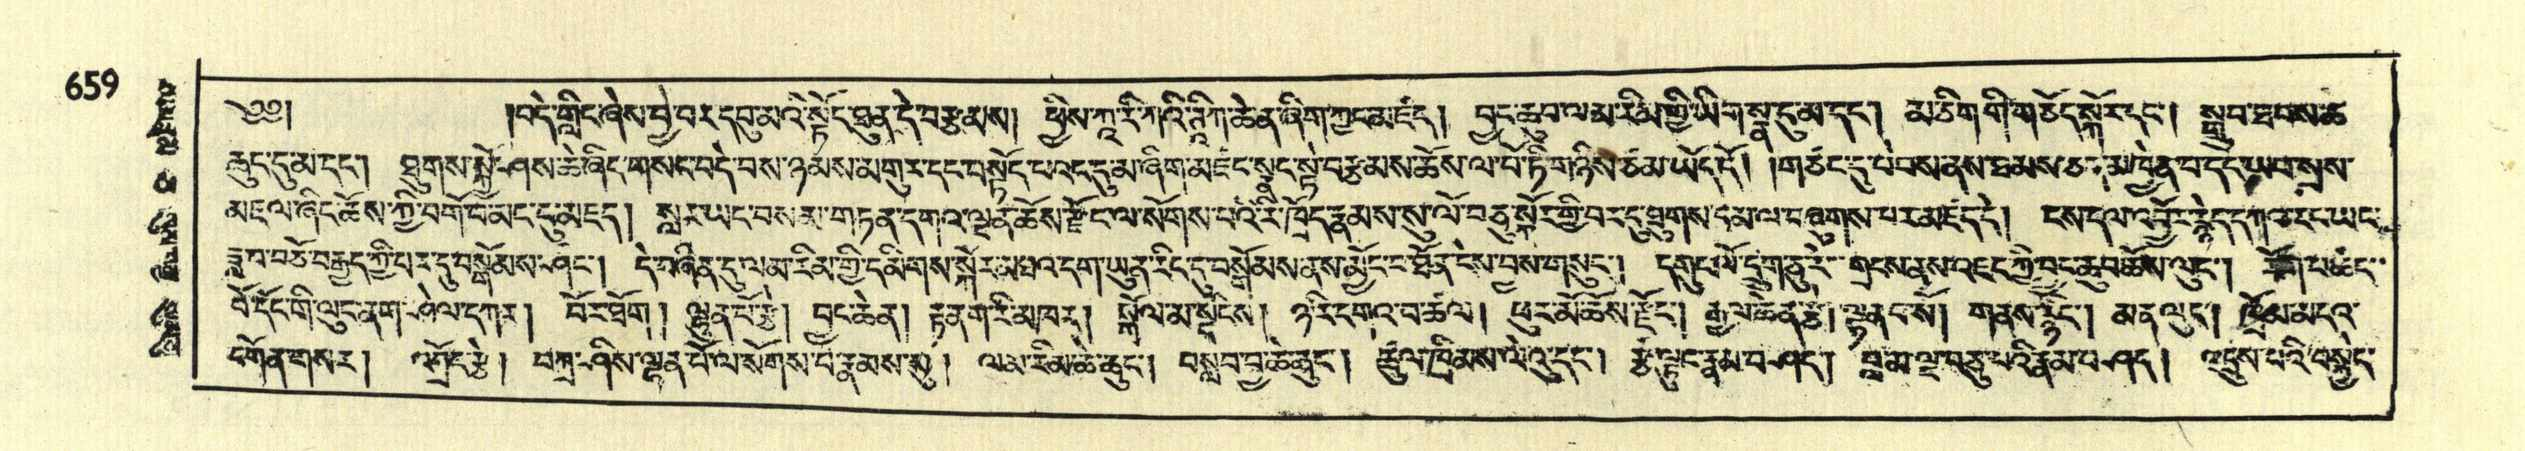༄༅། །བདེ་གླིང་ཞེས་བྱེ་བར་དབུ་མའི་སྟོང་ཐུན་དེ་བརྩམས། ཕྱིས་ཀཱ་རི་ཀའི་ཊཱིཀ་ཆེན་ཞིག་ཀྱང་མཛད། བྱང་ཆུབ་ལམ་རིམ་གྱི་ཡིག་སྣ་དུ་མ་དང་། མ་ཅིག་གི་གཅོད་སྐོར་དང་། སྒྲུབ་ཐབས་ཆེ་
ཆུང་དུ་མ་དང་། ཐུགས་སྐྱོ་ཤས་ཆེ་ཞིང་གསང་བདེ་བས་ཉམས་མགུར་དང་བསྟོད་པའང་དུ་མ་ཞིག་མཛད་སྣང་སྟེ་བརྩམས་ཆོས་ལ་བོ་ཏི་གཉིས་ཙམ་ཡོད་དོ། །གཙང་དུ་པེབས་ནས་ཐམས་ཅད་མཁྱེན་པ་དང་ཡབ་སྲས་
མཇལ་ཞིང་ཆོས་ཀྱི་བགོ་བ་མང་དུ་མཛད། སླར་ཡང་བསམ་གཏན་དགའ་ལྡན་ཆོས་རྫོང་ལ་སོགས་པའི་རི་ཁྲོད་རྣམས་སུ་ལོ་བཅུ་སྐོར་གྱི་བར་དུ་ཐུགས་དམ་ལ་བཞུགས་པར་མཛད་དེ། ངས་དལ་འབྱོར་རྙེད་དཀའ་རང་ཡང་
ཟླ་བ་བཅོ་བརྒྱད་ཀྱི་པར་དུ་བསྒོམས་ཤིང་། དེ་བཞིན་དུ་ལམ་རིམ་གྱི་དམིགས་སྐོར་མཐའ་དག་ཡུན་རིང་དུ་བསྒོམས་ནས་མྱོང་བ་ཐོན་ངེས་བྱས་གསུང་། དགུང་ལོ་དྲུག་ཅུ་རེ་གྲངས་ནས་འཇད་ཀྱི་བྱང་ཆུབ་ཆོས་ལུང་། རོག་པ་ཚང་
བོ་དོང་གི་ལུང་ནག་ཤེལ་དཀར། བོར་ཐོག། ལྷུན་པོ་རྩེ། བྱང་ཆེན། རྟ་ནག་རི་མཁར། སྐོལ་མ་སྡིངས། ཉ་རི་དགའ་བ་ཚལ། ཕུར་མོ་ཆོས་རྫོང་། རྒྱལ་ཆེན་རྩེ། ལྷན་བ་སོ། གནས་རྙིང་། མན་ལུང་། ཁྲོམ་མདའ་
བགོན་གསར། འབྲོང་རྩེ། བཀྲ་ཤིས་ལྷན་པོ་ལ་སོགས་བ་རྣམས་སུ། ལམ་རིམ་ཆེ་ཆུང་། བསླབ་བྱ་ཆེ་ཆུང་། ཚུལ་ཁྲིམས་ལེའུ་དང་། རྩ་ལྟུང་རྣམ་བཤད། བླ་མ་ལྔ་བཅུ་པའི་རྣམ་བཤད། འདྲུས་པའི་བསྐྱེད་